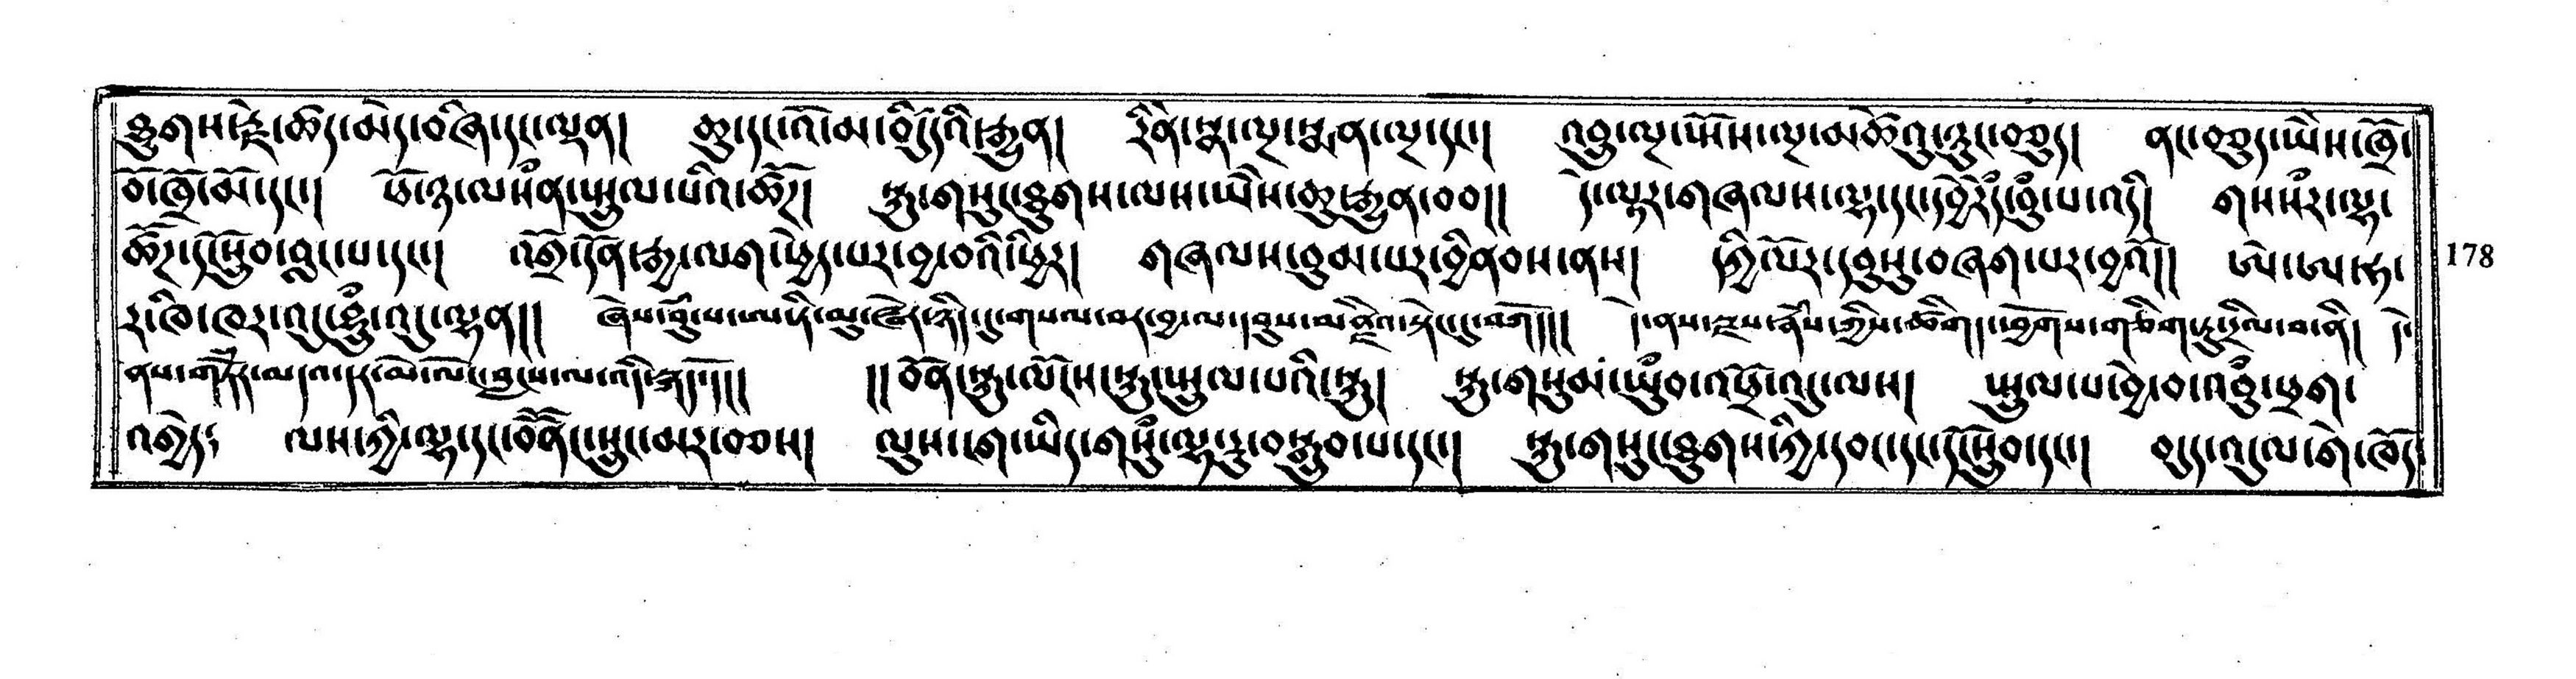ཐུགས་རྗེ་ཚད་མེད་བཞི་དང་ལྡན། ཆུ་དང་འོ་མ་བདུད་རྩིའི་རྒྱུན། རིན་ཆེན་སྣ་ལྔ་སྨན་ལྔ་དང་། འབྲུ་ལྔ་སྤོས་ལྔ་མཚེའུ་ཉུང་བཅུད། ནང་བཅུད་ཡེ་ཤེས་ཁྲོ་
བོ་ཁྲོ་མོ་དང་། ཕོ་ཉ་ལས་མཁན་སྤྲུལ་པའི་ཚོགས། སྐུ་གསུང་ཐུགས་ལས་ཡེ་ཤེས་ཆུ་རྒྱུན་བབ།། དེ་ལྟར་གཞལ་ཡས་ལྷ་དང་དབྱེར་མེད་བུམ་པ་འདི། གསས་མཁར་ལྷ་
ཚོགས་དངོས་གྲུབ་བླང་པ་དང་། འགྲོ་དོན་རྒྱ་ལག་ཕྱེད་པར་བྱ་བའི་ཕྱིར། གཞལ་ཡས་བུམ་པར་བྱིན་རླབས་ནས། དཀྱིལ་འཁོར་དབུས་སུ་བཞག་པར་བྱའོ།། ཨེ་ཨ་ཧ་
ར་ཁི་ཁར་འདུ་བྷྲུཾ་འདུ་ལྷན།། ཞེས་བུམ་པ་ཨ་ཏི་མུ་ཝེར་ཉིད་དུ་གསལ་བར་བྱ་ལ་དབུས་མནྗའི་སྟེང་དུ་བཀོད།། དེ་ནས་རྫས་རྣམས་ཀྱིས་ཚིག་བཤད་ཕྱོགས་གཅིག་ཏུ་དྲིལ་བ་ནི། དེ་
ནས་གཏོར་མ་མདའ་དར་མེ་ལོང་བླངས་ལ་འདི་སྐད་དོ།། །།བོན་སྐུ་ལོངས་སྐུ་སྤྲུལ་པའི་སྐུ། སྐུ་གསུམ་ཡབ་ཡུམ་འཕྲོ་འདུ་ལས། སྤྲུལ་པ་བྱེ་བ་འབུམ་ཕྲག་
འགྱེད། ལས་ཀྱི་ལྷ་དང་བོན་སྐྱོང་སྲུང་མར་བཅས། ལུས་ངག་ཡིད་གསུམ་ལྷ་རུ་བསྒྲུབ་པ་དང་། སྐུ་གསུང་ཐུགས་ཀྱི་དབང་དང་དངོས་གྲུབ་དང་། བདུད་འདུལ་གེ་ཁོད་